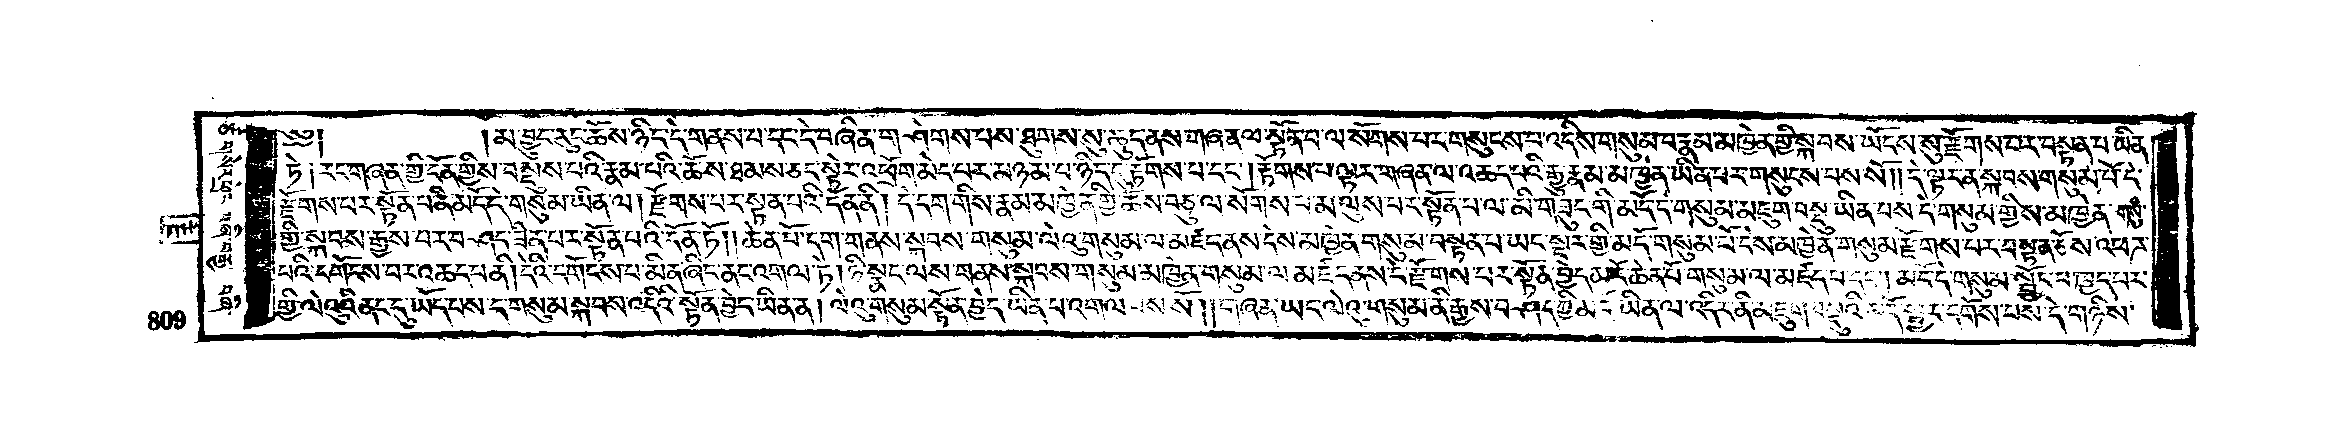༄༅། །མ་བྱུང་རུང་ཆོས་ཉིད་དེ་གནས་པ་དང་དེ་བཞིན་གཤེགས་པས་ཐུགས་སུ་ཆུད་ནས་གཞན་ལ་སྟོན་པ་ལ་སོགས་པར་གསུངས་པ་འདིས་གསུམ་པ་རྣམ་མཁྱེན་གྱི་སྐབས་ཡོངས་སུ་རྫོགས་པར་བསྟན་པ་ཡིན་
ཏེ། རང་གཞན་གྱི་དོན་གྱིས་བསྡུས་པའི་རྣམ་པའི་ཆོས་ཐམས་ཅད་སྟེར་འཕྲོག་མེད་པར་མཉམ་པ་ཉིད་དུ་རྟོགས་པ་དང་། རྟོགས་པ་ལྟར་གཞན་ལ་འཆད་པའི་རྒྱུ་རྣམ་མཁྱེན་ཡིན་པར་གསུངས་པས་སོ། །དེ་ལྟར་ན་སྐབས་གསུམ་པོ་དེ་
རྫོགས་པར་སྟོན་པ་ནི་མདོ་དེ་གསུམ་ཡིན་ལ། རྫོགས་པར་སྟོན་པའི་དོན་ནི། དེ་དག་གིས་རྣམ་མཁྱེན་གྱི་ཆོས་བཅུ་ལ་སོགས་པ་མ་ལུས་པར་སྟོན་པ་ལ་མི་གཟུང་གི་མདོ་དེ་གསུམ་མཇུག་བསྡུ་ཡིན་པས་དེ་གསུམ་གྱིས་མཁྱེན་གསུམ་
གྱི་སྐབས་རྒྱས་པར་བཤད་ཟིན་པར་སྟོན་པའི་དོན་ཏོ། །ཆེན་པོ་དག་གནས་སྐབས་གསུམ་ལེའུ་གསུམ་ལ་མཛད་ནས་དེས་མཁྱེན་གསུམ་བསྟན་པ་ཡང་སྔར་གྱི་མདོ་གསུམ་པོ་དེས་མཁྱེན་གསུམ་རྫོགས་པར་བསྟན་ཅོས་འཕགས་
པའི་དགོངས་པར་འཆད་པ་ནི། དེའི་དགོངས་པ་མིན་ཞིང་ནང་འགལ་ཏེ། ཉི་སྣང་ལས་གནས་སྐབས་གསུམ་མཁྱེན་གསུམ་ལ་མཛད་ནས་དེ་རྫོགས་པར་སྟོན་བྱེད་མདོ་ཆེན་པོ་གསུམ་ལ་མཛད་པ་དང་། མདོ་དེ་གསུམ་སྤྱོད་པ་ཁྱད་པར་
གྱི་ལེའུའི་ནང་དུ་ཡོད་པས་དེ་གསུམ་སྐབས་འདིའི་སྟོན་བྱེད་ཡིན་ནོ། ལེའུ་གསུམ་སྟོན་བྱེད་ཡིན་པ་འགལ་བས་སོ། །གཞན་ཡང་ལེའུ་གསུམ་ནི་རྒྱས་བཤད་ཀྱི་མདོ་ཡིན་ལ་འདེར་ནི་མཇུག་བསྡུའི་མདོ་སྦྱར་དགོས་པས་དེ་གཉིས་